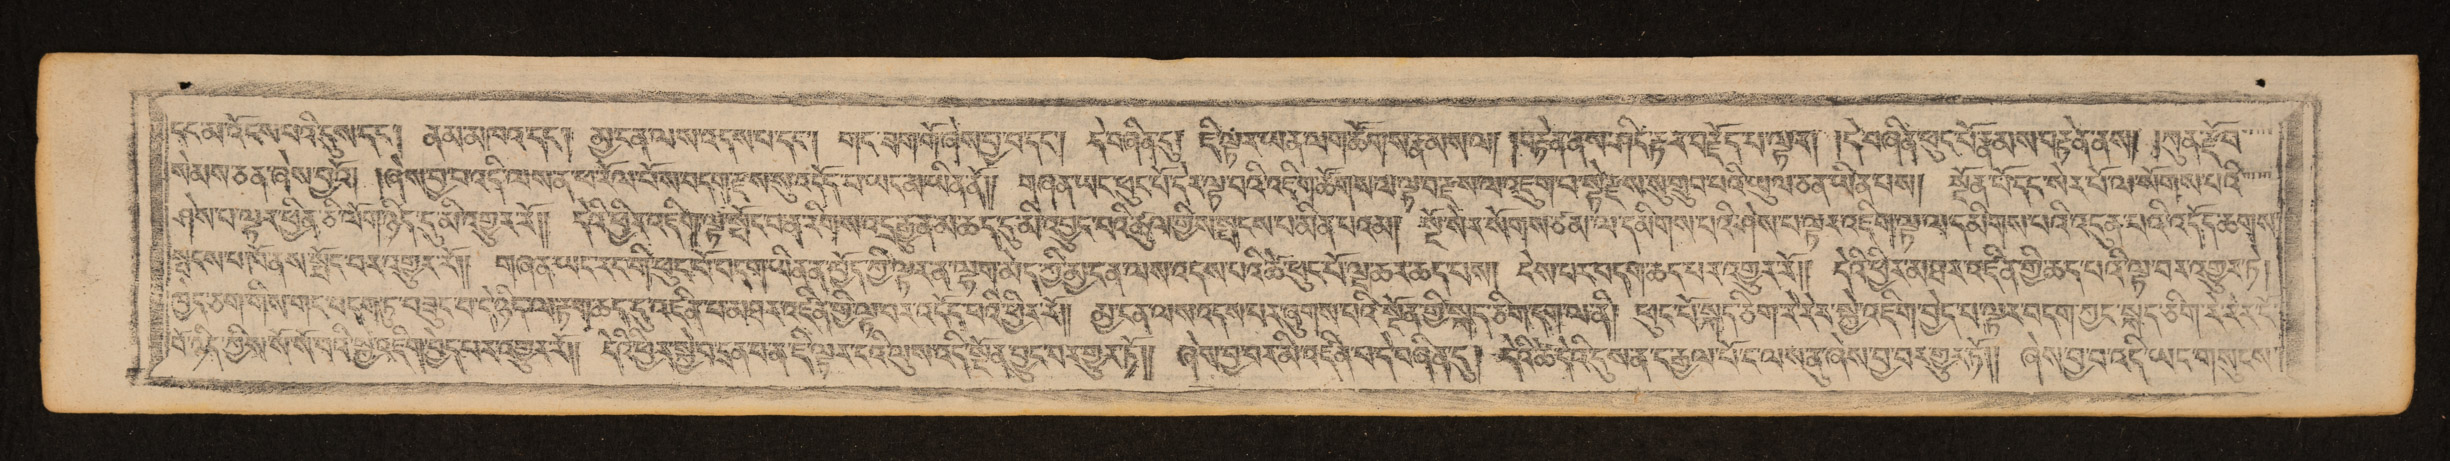དང་མ་འོངས་པའི་དུས་དང་། ནམ་མཁའ་དང་། མྱ་ངན་ལས་འདས་པ་དང་། གང་ཟག་གོ་ཞེས་བྱ་བ་དང་། དེ་བཞིན་དུ། ཇི་ལྟར་ཡན་ལག་ཚོགས་རྣམས་ལ། །བརྟེན་ནས་ཤིང་རྟར་བརྗོད་པ་ལྟར། །དེ་བཞིན་ཕུང་པོ་རྣམས་བརྟེན་ནས། །ཀུན་རྫོབ་
སེམས་ཅན་ཞེས་བྱའོ། །ཞེས་བྱ་བ་འདི་ལས་ན་ཕ་རོལ་པོས་བདག་རྫས་སུ་འདོད་པ་ཡང་མ་ཡིན་ནོ།། གཞན་ཡང་ཕུང་པོ་དེར་ལྟ་བའི་འཇིག་ཚོགས་ལ་ལྟ་བ་རྫས་ལ་འཇུག་པ་སྟེ་རྫས་སུ་གྲུབ་པའི་ཡུལ་ཅན་ཡིན་པས། སྔོན་པོ་དང་སེར་པོ་ལ་སོགས་པའི་
ཤེས་པ་ལྟར་ཕྱིན་ཅི་ལོག་ཉིད་དུ་མི་འགྱུར་རོ།། དེའི་ཕྱིར་འཇིག་ལྟ་སྤོང་བ་ན་རིགས་འདྲ་རྒྱུན་མི་ཆད་དུ་མི་འབྱུང་བའི་ཚུལ་གྱིས་སྤངས་པ་མིན་པའམ། སྔོ་སེར་སོགས་ཙམ་ལ་དམིགས་པའི་ཤེས་པ་ལྟར་འཇིག་ལྟ་ལ་དམིགས་པའི་འདུན་པའི་འདོད་ཆགས་
སྤངས་པ་ཁོ་ནས་སྤོང་བར་འགྱུར་རོ།། གཞན་ཡང་རང་གི་ཕུང་པོ་བདག་ཡིན་ན་ཁྱོད་ཀྱི་ལྟར་ན་ལྷག་མེད་ཀྱི་མྱ་ངན་ལས་འདས་པའི་ཚེ་ཕུང་པོ་ལྔ་ཆར་ཆད་པས། ངེས་པར་བདག་ཆད་པར་འགྱུར་རོ།། དེའི་ཕྱིར་མཐར་འཛིན་གྱི་ཆད་པའི་ལྟ་བར་འགྱུར་ཏེ།
ཁྱེད་ཅག་གིས་གང་བདག་ཏུ་བཟུང་བ་དེ་ཉིད་ལ་རྟག་ཆད་དུ་འཛིན་པ་མཐར་འཛིན་གྱི་ལྟ་བར་འདོད་པའི་ཕྱིར་རོ།། མྱ་ངན་ལས་འདས་པར་ཞུགས་པའི་སྔོན་གྱི་སྐད་ཅིག་དག་ལ་ནི། ཕུང་པོ་སྐད་ཅིག་རེ་རེར་སྐྱེ་འཇིག་བྱེད་པ་ལྟར་བདག་ཀྱང་སྐད་ཅིག་རེ་རེར་ངོ་
བོ་ཉིད་ཀྱིས་སོ་སོ་བའི་སྐྱེ་འཇིག་བྱེད་པར་འགྱུར་རོ།། དེའི་ཕྱིར་སྐྱེ་བ་དྲན་པ་ན་ཇི་ལྟར་ངའི་ལུས་འདི་སྔོན་བྱུང་བར་གྱུར་ཏོ།། ཞེས་བྱ་བར་མི་འཛིན་པ་དེ་བཞིན་དུ། དེའི་ཚེ་དེའི་དུས་ན་ང་རྒྱལ་པོ་ང་ལས་ནུ་ཞེས་བྱ་བར་གྱུར་ཏོ།། ཞེས་བྱ་བ་འདི་ཡང་གསུང་